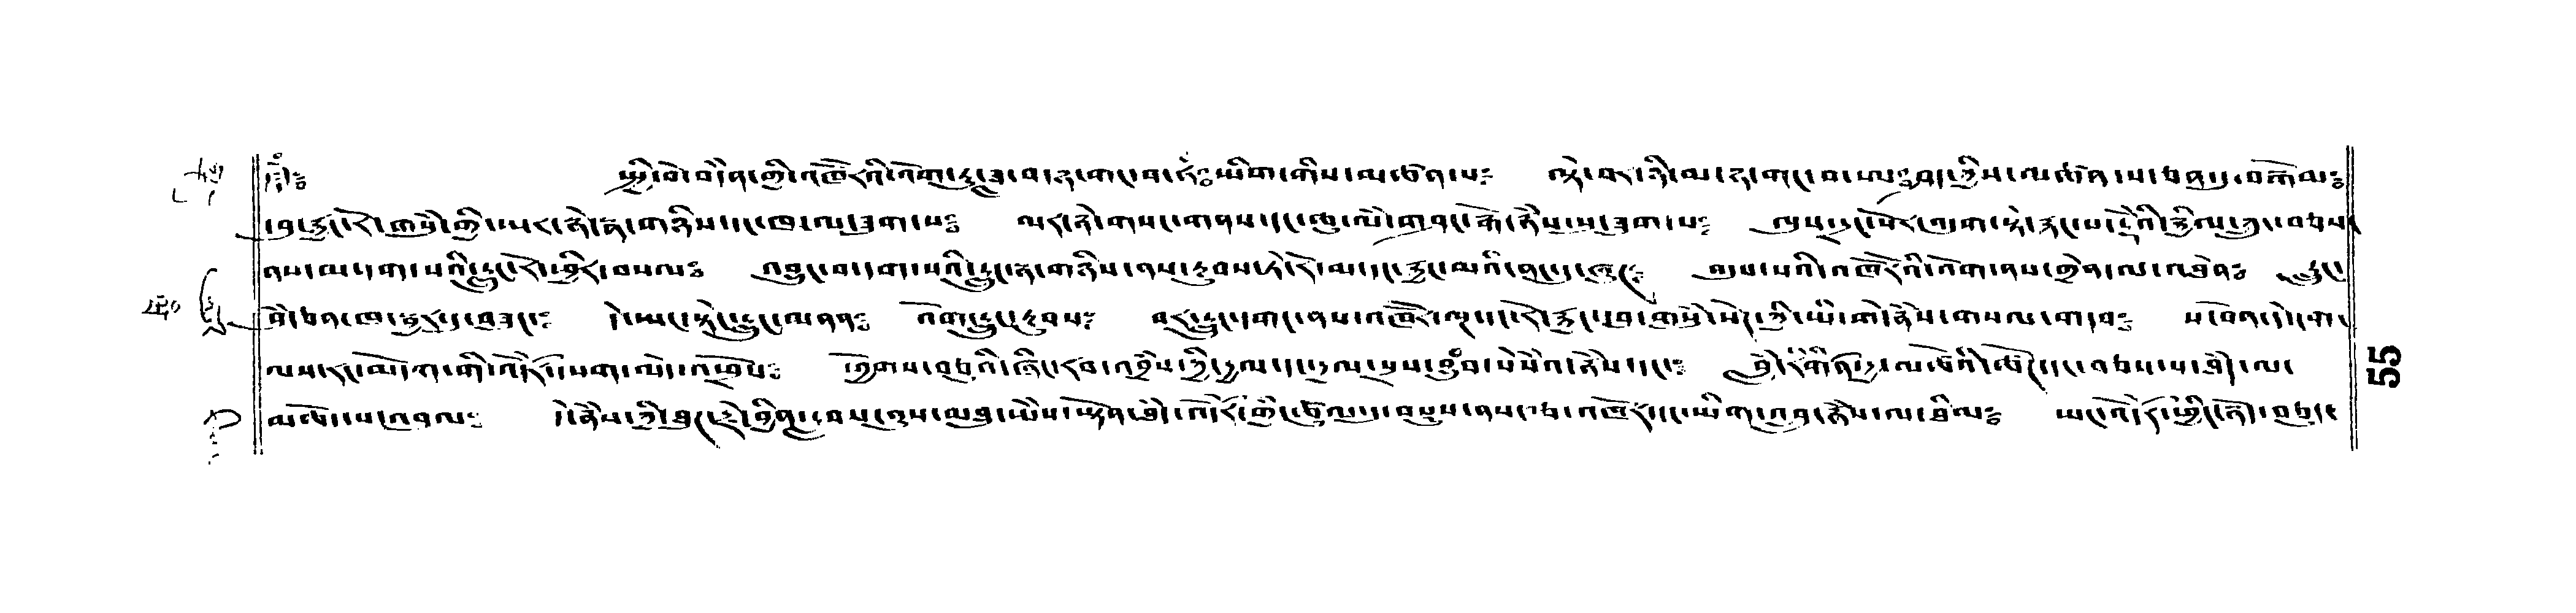སྤྱི་བོ་བདེ་ཆེན་གྱི་འཁོར་ལོའི་འོག་ཏུ་ཟླ་བ་ཉ་གང་བ་ཧཾཿཡིག་གིས་མཚན་པ༔ ལྟེ་བར་ཉི་མ་ཉ་གང་བ་ཨཿཤད་ཀྱིས་མཚན་པ་ཅན་དུ་བསྒོམ༔ 
དབུ་རྐྱང་རོ་གསུམ་གྱི་ཡར་སྣེ་སྣ་གཉིས་དང་ཁ་ལ་ཟུག་པ༔ མར་སྣེ་གསང་གནས་དང་ཆུ་ལམ་བཤང་སྒོ་རྣམས་སུ་ཟུག་པ༔ ལུས་དྲང་པོར་འདུག་སྟེ་རྐང་པ་རྡོ་རྗེའི་དཀྱིལ་ཀྲུང་བཅས་་་་་་
བུམ་ཅན་ཁ་སྦྱར་དུ་བཟུང༔ དེ་ཡང་སྟེང་རླུང་མནན༔ འོག་རླུང་རྔུབས༔ བར་རླུང་གང་འཁོར་ལོ་ལྔ་དང་རོ་རྐྱང་དབུ་གསུམ་སོགས་ཀྱི་ཡི་གེ་རྣམས་གསལ་གདབ༔ ས་བོན་དེ་དག་
ལས་རང་མདོག་གི་འོད་ཟེར་དཔག་མེད་འཕྲོས༔ ཕྱོགས་བཅུའི་ཞིང་རབ་འབྱམས་ཀྱི་རྒྱལ་དང་རྒྱལ་སྲས་བྱང་ཆུབ་སེམས་དཔའ་རྣམས་དང༔ བླ་མ་རིག་འཛིན་རྒྱ་མཚོའི་ཚོགས་དང་བཅས་པ་ཐམས་ཅད་ལ་
མཆོད་པ་འབུལ༔ དེ་རྣམས་ཀྱི་ཐུགས་རྗེ་བྱིན་རླབས་ནུས་མཐུ་ཡེ་ཤེས་ཡོན་ཏན་ཐམས་ཅད་འོད་ཟེར་གྱི་ཚུལ་དུ་བསྡུས་ནས་རྩ་འཁོར་དང་ཡིག་འབྲུ་རྣམས་ལ་ཐིམ༔ ཡང་འོད་ཟེར་ཕྱི་ནང་སྣོད་བཅུད་